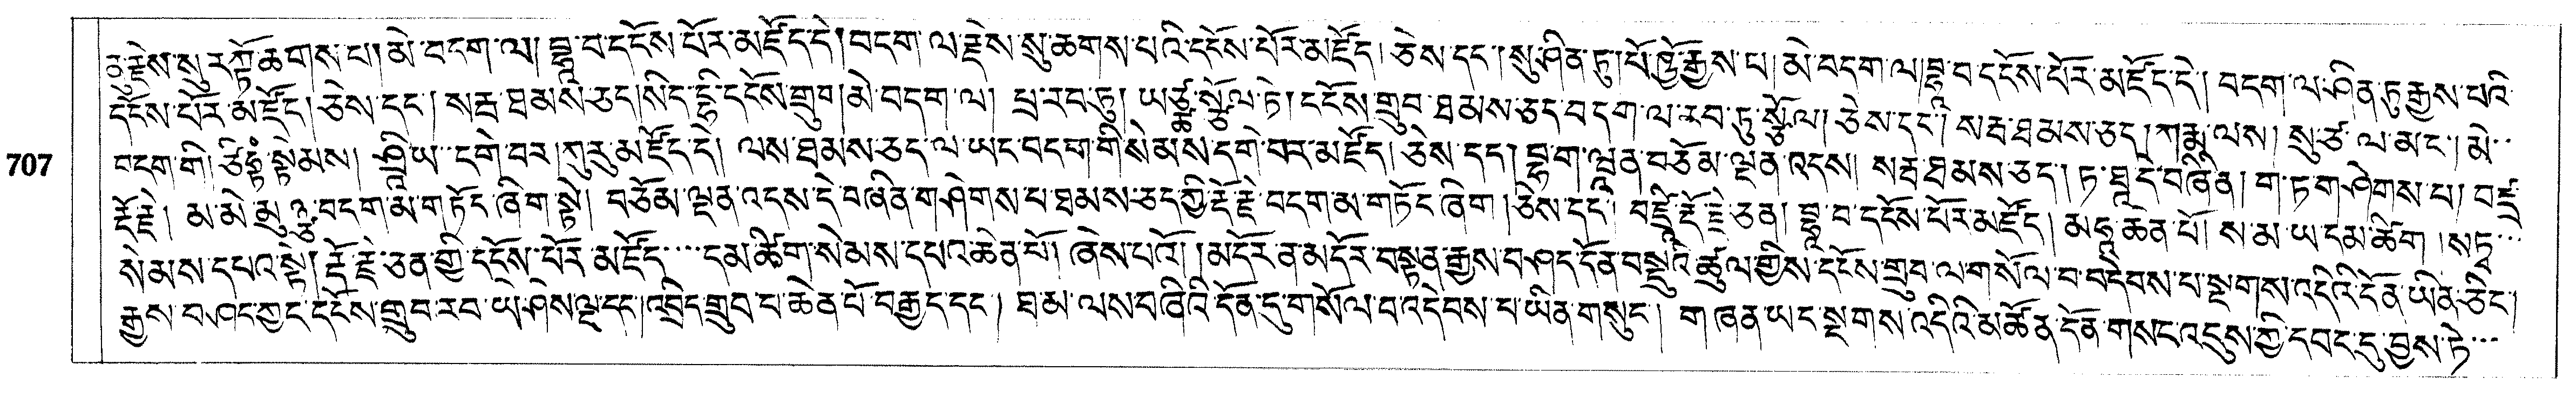ནུ་རྗེས་སུ་རཀྟོ་ཆགས་པ། མེ་བདག་ལ། བྷཱ་བ་དངོས་པོར་མཛོད་དེ། བདག་ལ་རྗེས་སུ་ཆགས་པའི་དངོས་པོར་མཛོད། ཅེས་དང་། སུ་ཤིན་ཏུ། པོ་ཥྱོ་རྒྱས་པ། མེ་བདག་ལ། བྷཱ་བ་དངོས་པོར་མཛོད་དེ། བདག་ལ་ཤིན་ཏུ་རྒྱས་པའི་
དངོས་པོར་མཛོད། ཅེས་དང་། སརྦ་ཐམས་ཅད། སིད་དྷི་དངོས་གྲུབ། མེ་བདག་ལ། པྲ་རབ་ཏུ། ཡཙྪ་སྩོལ་ཏེ། དངོས་གྲུབ་ཐམས་ཅད་བདག་ལ་རབ་ཏུ་སྩོལ། ཅེས་དང་། སརྦ་ཐམས་ཅད། ཀརྨ་ལས། སུ་ཙ་ལ་མང་། མེ་
བདག་གི །ཙིཧྟཾ་སྟེམས། ཤྲཱི་ཡ་དགེ་བར་།ཀུ་རུ་མཛོད་དེ། ལས་ཐམས་ཅད་ལ་ཡང་བདག་གི་སེམས་དགེ་བར་མཛོད། ཅེས་དང་། བྷ་ག་ཝཱན་བཅོམ་ལྡན་འདས། སརྦ་ཐམས་ཅད། ཏ་ཐཱ་དེ་བཞིན། ག་ཏ་གཤེགས་པ། བཛྲ་
རྡོ་རྗེ། མ་མེ་མུཉྩ་བདག་མ་གཏོང་ཞིག་སྟེ། བཅོམ་ལྡན་འདས་དེ་བཞིན་གཤེགས་པ་ཐམས་ཅད་ཀྱི་རྡོ་རྗེ་བདག་མ་གཏོང་ཞིག །ཅེས་དང་། བཛྲཱི་རྡོ་རྗེ་ཅན། བྷཱ་བ་དངོས་པོར་མཛོད། མཧཱ་ཆེན་པོ། ས་མ་ཡ་དམ་ཚིག །སཏྭ་
སེམས་དཔའ་སྟེ། རྡོ་རྗེ་ཅན་གྱི་དངོས་པོར་མཛོད་དམ་ཚིག་སེམས་དཔའ་ཆེན་པོ། ཞེས་པའོ། །མདོར་ན་མདོར་བསྟན་རྒྱས་བཤད་དོན་བསྡུའི་ཚུལ་གྱིས་དངོས་གྲུབ་ལ་གསོལ་བ་འདེབས་པ་སྔགས་འདིའི་དོན་ཡིན་ཅིང་།
རྒྱས་བཤད་ཀྱང་དངོས་གྲུབ་རབ་ཡེ་ཤེས་ལྔ་དང་། འབྲིད་གྲུབ་པ་ཆེན་པོ་བརྒྱད་དང་། ཐ་མ་ལས་བཞིའི་དོན་དུ་གསོལ་བ་འདེབས་པ་ཡིན་གསུང་། གཞན་ཡང་སྔགས་འདིའི་མཚོན་དོན་གསང་འདུས་ཀྱི་དབང་དུ་བྱས་ཏེ་